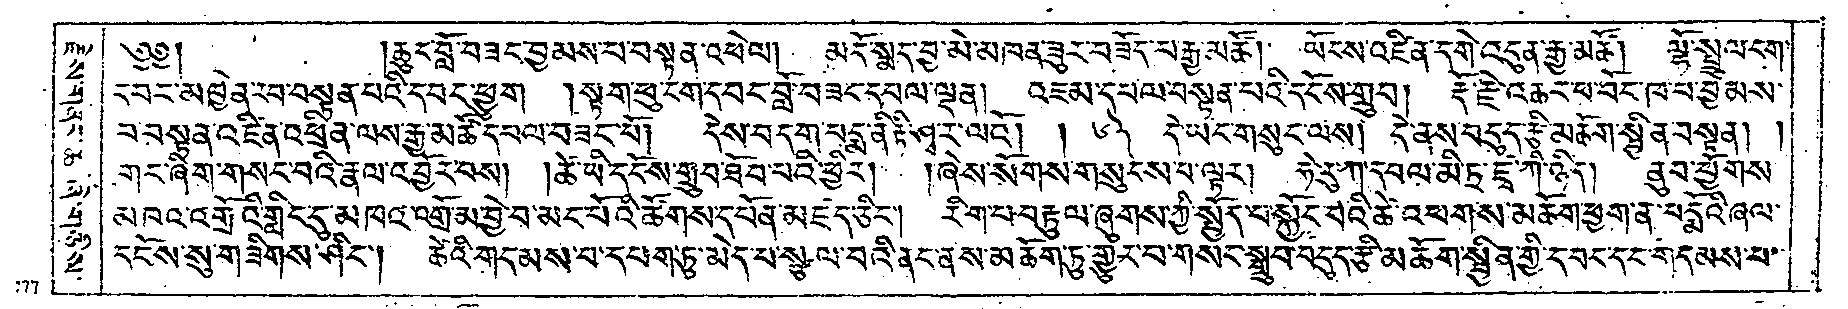༄༅། །ཆུང་བློ་བཟང་བྱམས་པ་བསྟན་འཕེལ། མདོ་སྨད་བྱ་མེ་མཁན་ཟུར་བཟོད་པ་རྒྱ་མཚོ། ཡོངས་འཛིན་དགེ་འདུན་རྒྱ་མཚོ། ལྷོ་སྤྲུལ་ངག་
དབང་མཁྱེན་རབ་བསྟན་པའི་དབང་ཕྱུག །སྟག་ཕུ་ངག་དབང་བློ་བཟང་དཔལ་ལྡན། འཇམ་དཔལ་བསྟན་པའི་དངོས་གྲུབ། རྡོ་རྗེ་འཆང་ཕ་བོང་ཁ་པ་བྱམས་
བ་བསྟན་འཛིན་འཕྲིན་ལས་རྒྱ་མཚོ་དཔལ་བཟང་པོ། དེས་བདག་པདམ་ནི་རྟི་ཤྭ་ར་ལའོ། །༦?་དེ་ཡང་གསུང་ལས། དེ་ནས་བདུད་རྩི་མཆོག་སྦྱིན་བསྟན། །
གང་ཞིག་གསང་བའི་རྣལ་འབྱོར་བས། །ཚེ་ཡི་དངོས་གྲུབ་ཐོབ་པའི་ཕྱིར། །ཞེས་སོགས་གསུངས་པ་ལྟར། ཧེ་རུ་ཀ་དཔལ་མི་ཏྲ་ཛྭ་ཀི་ཉིད། ནུབ་ཕྱོགས་
མཁའ་འགྲོའི་གླིང་དུ་མཁའ་འགྲོ་མ་བྱེ་བ་མང་པོའི་ཚོགས་དཔོན་མཛད་ཅིང་། རིག་པ་བརྟུལ་ཞུགས་ཀྱི་སྤྱོད་པ་སྐྱོང་བའི་ཚེ་འཕགས་མཆོག་ཕྱག་ན་པདམོའི་ཞལ་
དངོས་སུ་གཟིགས་ཤིང་། ཚེའི་གདམས་པ་དཔག་ཏུ་མེད་པ་སྩལ་བའི་ནང་ནས་མཆོག་ཏུ་གྱུར་པ་གསང་སྒྲུབ་བདུད་རྩི་མཆོག་སྦྱིན་གྱི་དབང་དང་གདམས་པ་